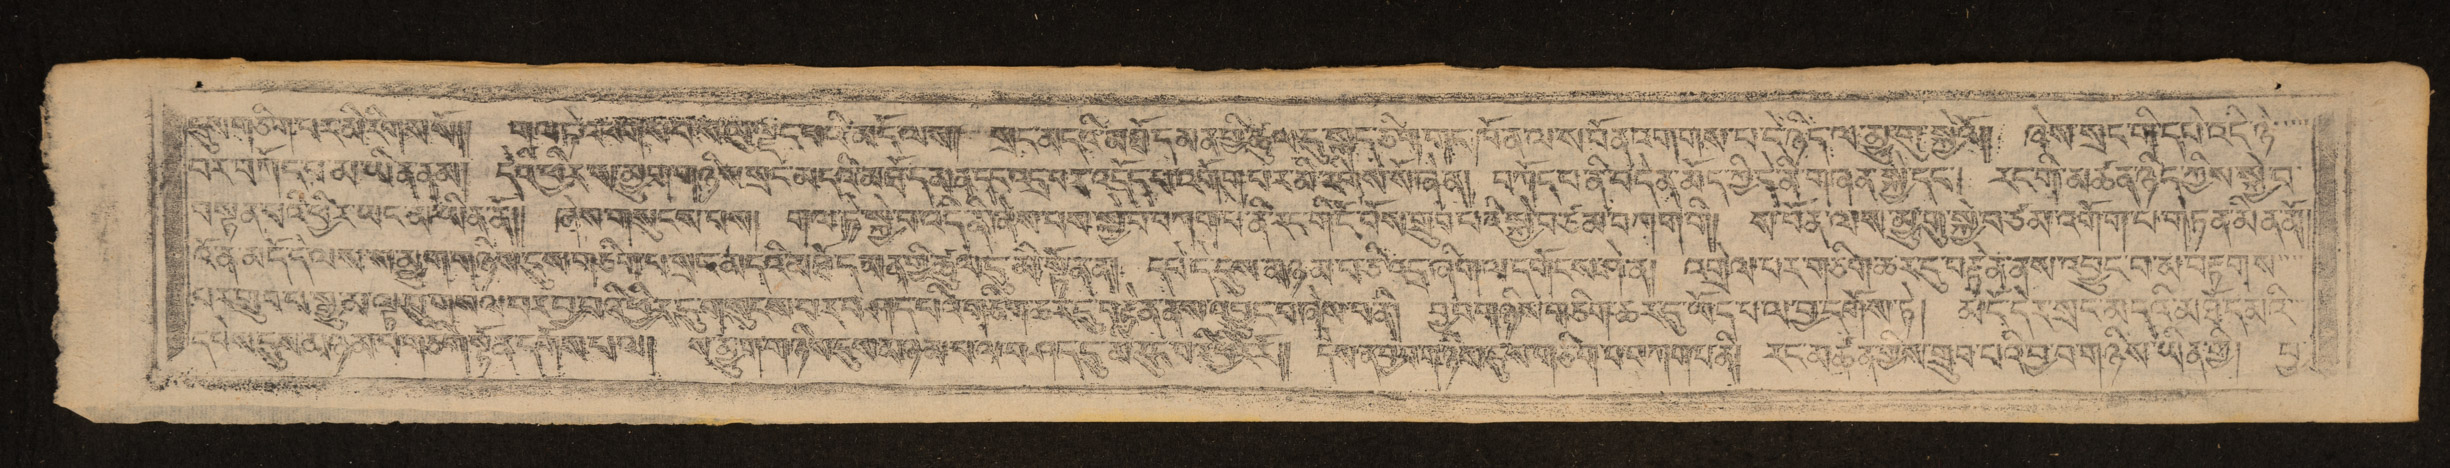དུས་གཅིག་པར་མི་རིགས་སོ།། གལ་ཏེ་འཕགས་པ་ས་ལུ་ལྗང་པའི་མདོ་ལས། སྲང་མདའི་མཐོ་དམན་གྱི་ཚུལ་དུ་སྐད་ཅིག་གང་ཁོ་ན་ལ་ས་བོན་འགགས་བ་དེ་ཉིད་ལ་མྱུ་གུ་སྐྱེའོ།། ཞེས་སྲང་གི་དཔེ་འདི་ཉེ་
བར་བཀོད་པ་མ་ཡིན་ནམ། དེའི་ཕྱིར་ས་མྱུག་གཉིས་སྲང་མདའི་མཐོ་དམན་དང་འདྲ་བར་འདོད་པ་འགོག་པར་མི་རིགས་སོ་ཞེ་ན། བཀོད་པ་ནི་བདེན་མོད་ཀྱི་དེ་ནི་གཞན་སྐྱེ་དང་། རང་གི་མཚན་ཉིད་ཀྱིས་སྐྱེ་བ་
བསྟན་པའི་ཕྱིར་ཡང་མ་ཡིན་ནོ།། ཞེས་གསུངས་པས། གལ་ཏེ་སྐྱེ་བ་འདི་ནི་ཞེས་པས་སྐྱེ་བ་བཀག་པ་ནི་རང་གི་ངོ་བོས་གྲུབ་པའི་སྐྱེ་བ་ཙམ་བཀག་གི། ས་བོན་ལས་མྱུ་གུ་སྐྱེ་བ་ཙམ་འགོག་པ་གཏན་མིན་ནོ།།
འོ་ན་མདོ་དེ་ལས་ས་མྱུག་གཉིས་དུས་གཅིག་པ་སྲང་མདའི་མཐོ་དམན་གྱི་ཚུལ་དུ་མི་སྟོན་ན། དཔེ་དེ་དུས་མཉམ་པ་ཅི་འདྲ་ཞིག་ལ་དགོངས་ཞེ་ན། འགྲེལ་པར་གཅིག་ཆར་དུ་བརྟེན་ནས་འབྱུང་བ་མ་བརྟགས་
པར་གྲུབ་པ་སྒྱུ་མ་ལྟ་བུ་གསལ་བར་བྱ་བའི་ཕྱིར་དུ་གསུངས་པར་བཤད་པའི་གཅིག་ཆར་དུ་བརྟེན་ནས་འབྱུང་བ་ཞེས་པ་ནི། བྱ་བ་གཉིས་གཅིག་ཆར་དུ་ཡོད་པ་ལ་བྱ་དགོས་ཏེ། མདོ་དེར་སྲང་མདའི་མཐོ་དམའི་
དཔེས་དུས་མཉམ་པ་གཅིག་སྟོན་དགོས་པ་ལ། སོ་མྱུག་གཉིས་དུས་མཉམ་པ་ལ་བཤད་དུ་མི་རུང་བའི་ཕྱིར་རོ།། དེས་ན་བྱ་བ་གཉིས་དུས་གཅིག་པ་བཀག་པ་ནི། རང་མཚན་གྱིས་གྲུབ་པའི་བྱ་བ་གཉིས་ཡིན་གྱི། བྱ་